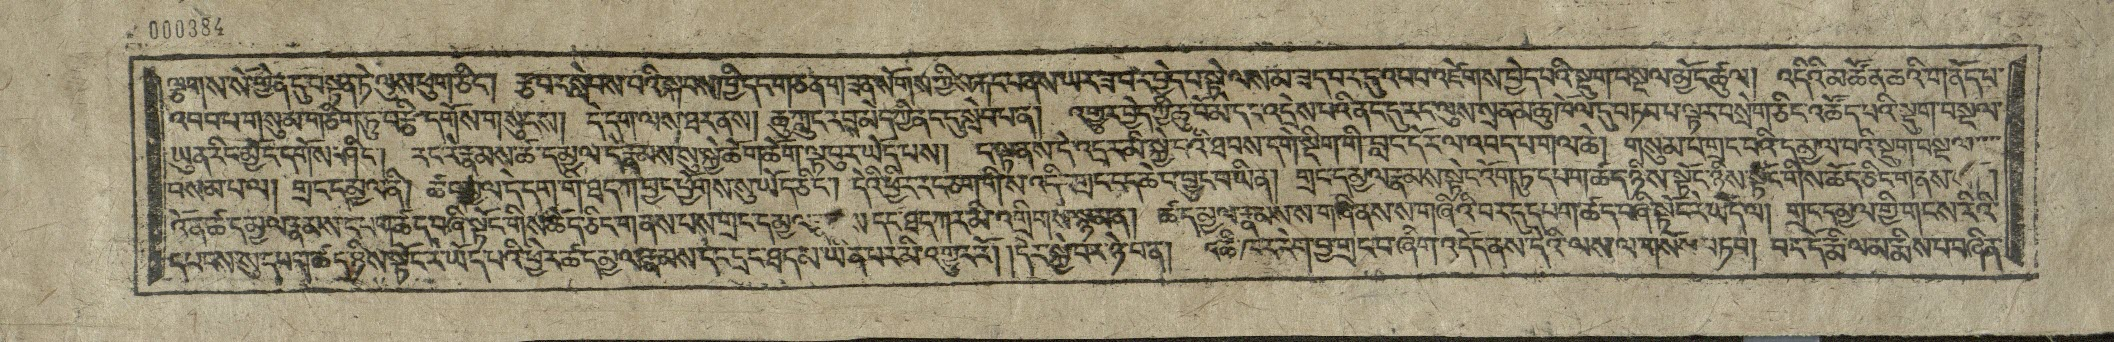ལྕགས་སོ་གྱེན་དུ་བསྟན་ཏེ་ལུས་ཕུག་ཅིང་། རྩ་བར་སླེབས་པའི་སྐབས་ཁྱི་དང་གཅན་གཟན་སོགས་ཀྱིས་རྐང་པ་ནས་ཡར་ཟ་བར་བྱེད་པ་སྟེ་ལས་མ་ཟད་བར་དུ་འབབ་འཛེགས་བྱེད་པའི་སྡུག་བསྔལ་མྱོང་ཚུལ། འདིའི་མཚོན་ཆའི་གནོད་པ་
འབབ་པ་གསུམ་གཅིག་ཏུ་བརྩི་དགོས་གསུངས། དེ་དག་ལས་ཐར་ནས། ཆུ་ཀླུང་རབས་མེད་ཀྱི་ནང་དུ་སླེབ་པ་ན། འགྱུར་བྱེད་ཀྱི་ཆུ་བོ་མེ་དང་འདྲེས་པའི་ནང་དུ་རང་ལུས་སྲན་མ་ཆུ་ཁོལ་དུ་བཏབ་པ་ལྟར་བསྲེག་ཅིང་འཚོད་པའི་སྡུག་བསྔལ་
ཡུན་རིང་མྱོང་དགོས་ཤིང་། རང་རེ་རྣམས་ཚ་དམྱལ་དེ་རྣམས་སུ་སྐྱེ་ཆོག་ཆོག་ལྟ་བུར་ཡོད་པས། ད་ལྟ་ནས་དེ་འདྲར་མི་སྐྱེ་བའི་ཐབས་དགེ་སྡིག་གི་བླང་དོར་ལ་འབད་པ་གལ་ཆེ། གསུམ་པ་གྲང་བའི་དམྱལ་བའི་སྡུག་བསྔལ་
བསམ་པ་ལ། གྲང་དམྱལ་ནི། ཚ་དམྱལ་དེ་དག་གི་ཐད་ཀ་བྱང་ཕྱོགས་སུ་ཡོད་ཅིང་། དེའི་ཕྱིར་རང་ཅག་གི་ས་འདིར་གྲང་ངད་ཆེ་བ་བྱུང་བ་ཡིན། གྲང་དམྱལ་རྣམས་སྟེང་འོག་ཏུ་དཔག་ཚད་ཉིས་སྟོང་ཉིས་སྟོང་གིས་ཆོད་ཅིང་གནས་སོ། །
འོ་ན་ཚ་དམྱལ་རྣམས་དཔག་ཚད་བཞི་སྟོང་གི་ས་ཆོད་ཅིང་གནས་པས་གྲང་དམྱལ་རྣམས་དང་ཐད་ཀར་མི་འགྲིགས་སྙམ་ན། ཚ་དམྱལ་རྣམས་ས་གཞི་ནས་ས་གཞིའི་བར་དུ་དཔག་ཚད་བཞི་སྟོང་རེ་ཡོད་ལ། གྲང་དམྱལ་གྱི་གངས་རིའི་
དཔངས་སུ་དཔག་ཚད་ཉིས་སྟོང་རེ་ཡོད་པའི་ཕྱིར་ཚ་དམྱལ་རྣམས་དང་དྲང་ཐད་མ་ཡིན་པར་མི་འགྱུར་རོ། །དེར་སྐྱེ་བར་ཉེ་བ་ན། འཆི་ཁར་རེག་བྱ་གྲང་བ་ཞིག་འདོད་ནས་དེའི་ལས་ལ་གསོས་བཏབ། བར་དོ་རྨི་ལམ་རྨིས་པ་བཞིན་